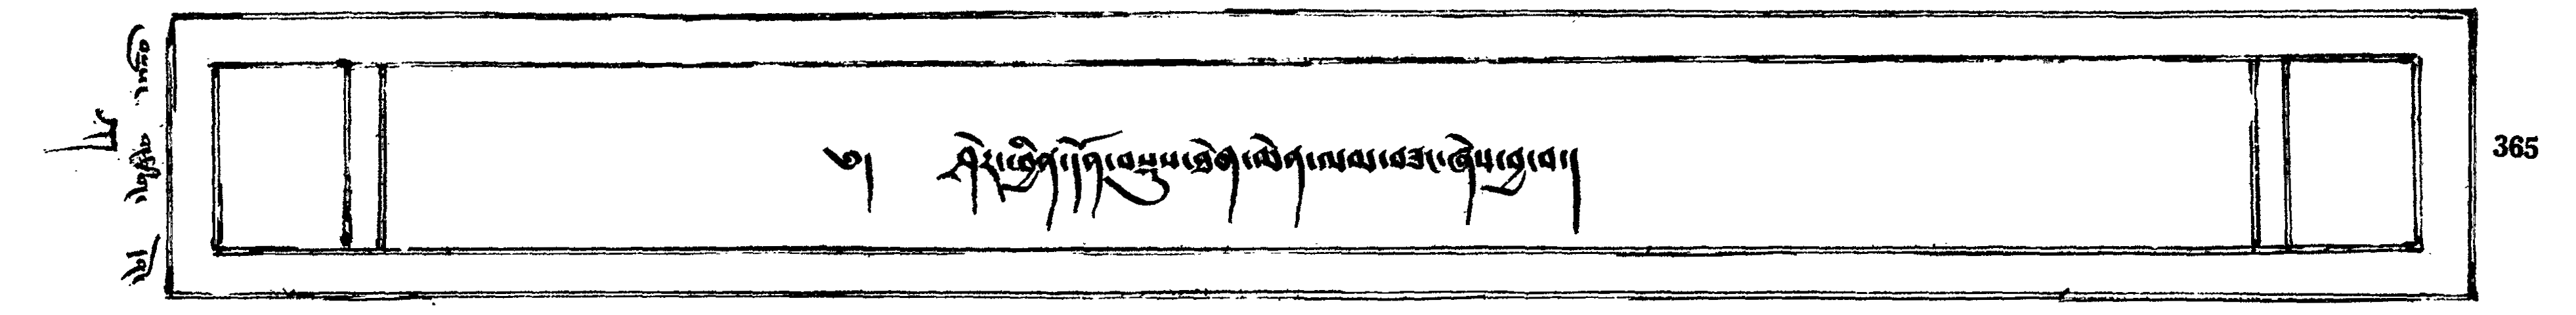ཤེར་ཕྱིན་དོན་བསྡུས་ཐེག་ཆེན་ལམ་བཟང་ཞེས་བྱ་བ།།